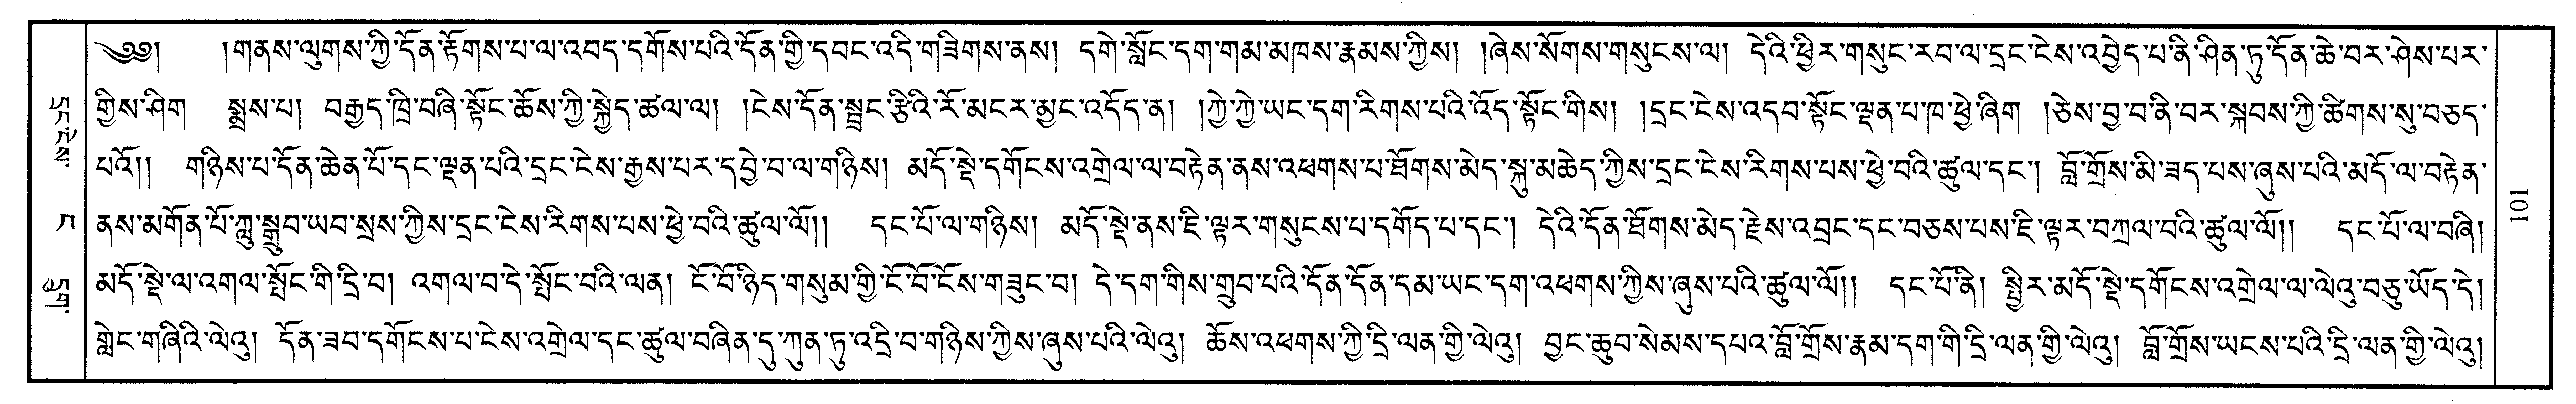༄༅། །གནས་ལུགས་ཀྱི་དོན་རྟོགས་པ་ལ་འབད་དགོས་པའི་དོན་གྱི་དབང་འདི་གཟིགས་ནས། དགེ་སློང་དག་གམ་མཁས་རྣམས་ཀྱིས། །ཞེས་སོགས་གསུངས་ལ། དེའི་ཕྱིར་གསུང་རབ་ལ་དྲང་ངེས་འབྱེད་པ་ནི་ཤིན་ཏུ་དོན་ཆེ་བར་ཤེས་པར་
གྱིས་ཤིག་སྨྲས་པ། བརྒྱད་ཁྲི་བཞི་སྟོང་ཆོས་ཀྱི་སྐྱེད་ཚལ་ལ། །ངེས་དོན་སྦྲང་རྩིའི་རོ་མངར་མྱང་འདོད་ན། །ཀྱེ་ཀྱེ་ཡང་དག་རིགས་པའི་འོད་སྟོང་གིས། །དྲང་ངེས་འདབ་སྟོང་ལྡན་པ་ཁ་ཕྱེ་ཞིག །ཅེས་བྱ་བ་ནི་བར་སྐབས་ཀྱི་ཚིགས་སུ་བཅད་
པའོ།། གཉིས་པ་དོན་ཆེན་པོ་དང་ལྡན་པའི་དྲང་ངེས་རྒྱས་པར་དབྱེ་བ་ལ་གཉིས། མདོ་སྡེ་དགོངས་འགྲེལ་ལ་བརྟེན་ནས་འཕགས་པ་ཐོགས་མེད་སྐུ་མཆེད་ཀྱིས་དྲང་ངེས་རིགས་པས་ཕྱེ་བའི་ཚུལ་དང་། བློ་གྲོས་མི་ཟད་པས་ཞུས་པའི་མདོ་ལ་བརྟེན་
ནས་མགོན་པོ་ཀླུ་སྒྲུབ་ཡབ་སྲས་ཀྱིས་དྲང་ངེས་རིགས་པས་ཕྱེ་བའི་ཚུལ་ལོ།། དང་པོ་ལ་གཉིས། མདོ་སྡེ་ནས་ཇི་ལྟར་གསུངས་པ་དགོད་པ་དང་། དེའི་དོན་ཐོགས་མེད་རྗེས་འབྲང་དང་བཅས་པས་ཇི་ལྟར་བཀྲལ་བའི་ཚུལ་ལོ།། དང་པོ་ལ་བཞི།
མདོ་སྡེ་ལ་འགལ་སྤོང་གི་དྲི་བ། འགལ་བ་དེ་སྤོང་བའི་ལན། ངོ་བོ་ཉིད་གསུམ་གྱི་ངོ་བོ་ངོས་གཟུང་བ། དེ་དག་གིས་གྲུབ་པའི་དོན་དོན་དམ་ཡང་དག་འཕགས་ཀྱིས་ཞུས་པའི་ཚུལ་ལོ།། དང་པོ་ནི། སྤྱིར་མདོ་སྡེ་དགོངས་འགྲེལ་ལ་ལེའུ་བཅུ་ཡོད་དེ།
གླེང་གཞིའི་ལེའུ། དོན་ཟབ་དགོངས་པ་ངེས་འགྲེལ་དང་ཚུལ་བཞིན་དུ་ཀུན་ཏུ་འདྲི་བ་གཉིས་ཀྱིས་ཞུས་པའི་ལེའུ། ཆོས་འཕགས་ཀྱི་དྲི་ལན་གྱི་ལེའུ། བྱང་ཆུབ་སེམས་དཔའ་བློ་གྲོས་རྣམ་དག་གི་དྲི་ལན་གྱི་ལེའུ། བློ་གྲོས་ཡངས་པའི་དྲི་ལན་གྱི་ལེའུ།